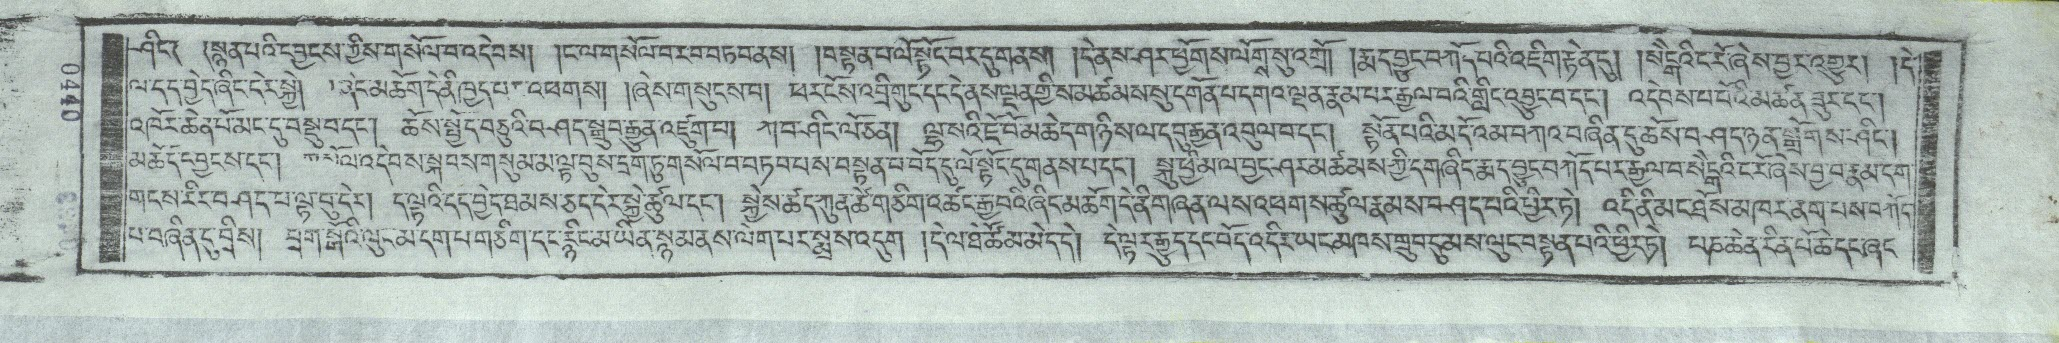ཤིང༑ ༑སྙན་པའི་དབྱངས་ཀྱིས་གསོལ་བ་འདེབས། །ང་ལ་གསོལ་བ་རབ་བཏབ་ནས། །བསྟན་པ་ལོ་སྟོང་བར་དུ་གནས། །དེ་ནས་ཤར་ཕྱོགས་ལོགས་སུ་འགྲོ། །རྨད་བྱུང་བཀོད་པའི་འཇིག་རྟེན་དུ། །སེངྒེའི་ང་རོ་ཞེས་བྱར་འགྱུར། །དེ་
ལ་དད་བྱེད་ཞིང་དེར་སྐྱེ། །ཞེས་མཆོག་དེ་ནི་ཁྱད་པར་འཕགས། །ཞེས་གསུངས་པ། ཕར་ངོས་འབྲི་གུང་དང་དེ་ནས་ལྡན་གྱི་ས་མཚམས་སུ་དགོན་པ་དགའ་ལྡན་རྣམ་པར་རྒྱལ་བའི་གླིང་འབྱུང་བ་དང་། འདེབས་པ་པོའི་མཚན་ཟུར་དང་།
འཁོར་ཆེན་པོ་མང་དུ་བསྡུབ་དང་། ཆོས་སྤྱོད་བཅུའི་བཤད་སྒྲུབ་རྒྱུན་འཛུག་པ། ཀ་བ་ཤིང་ལོ་ཅན། ལྷ་སའི་ཇོ་བོ་མཆེད་གཉིས་ལ་དབུ་རྒྱན་འབུལ་བ་དང་། སྟོན་པའི་མདོ་འམ་བཀའ་བཞིན་དུ་ཆོས་བཤད་ཉན་སྒྲོགས་ཤིང་།
མཆོད་དབྱངས་དང་། གསོལ་འདེབས་སྐབས་གསུམ་མ་ལྟ་བུས་དྲག་ཏུ་གསོལ་བ་བཏབ་པས་བསྟན་པ་བོད་དུ་ལོ་སྟོང་དུ་གནས་པ་དང་། སྐུ་ཕྱི་མ་ལ་བྱང་ཤར་མཚམས་ཀྱི་དག་ཞིང་རྨད་བྱུང་བཀོད་པར་རྒྱལ་བ་སེངྒེའི་ང་རོ་ཞེས་བྱ་བ་རྣམ་དག་
གངས་རིར་བཤད་པ་ལྟ་བུ་དེར། ད་ལྟའི་དད་བྱེད་ཐམས་ཅད་དེར་སྐྱེ་ཚུལ་དང་། སྐྱེས་ཚད་ཀུན་ཚེ་གཅིག་འཚང་རྒྱ་བའི་ཞིང་མཆོག་དེ་ནི་གཞན་ལས་འཕགས་ཚུལ་རྣམས་བཤད་པའི་ཕྱིར་ཏེ། འདི་ནི་མང་ཐོས་མཁར་ནག་པས་བཀོད་
པ་བཞིན་དུ་བྲིས། བྲག་སྒོའི་ལུང་མ་དག་པ་གཅིག་དང་རྙིང་མ་ཡིན་སྙམ་ནས་ལེག་པར་སྨྲས་འདུག །དེ་ལ་ཐེ་ཚོམ་མེད་དེ། དེ་ལྟར་རྒྱུད་དང་བོད་འདིར་ཡང་མཁས་གྲུབ་དུ་མས་ལུང་བསྟན་པའི་ཕྱིར་ཏེ། པཎ་ཆེན་རིན་པོ་ཆེ་དང་ཞང་